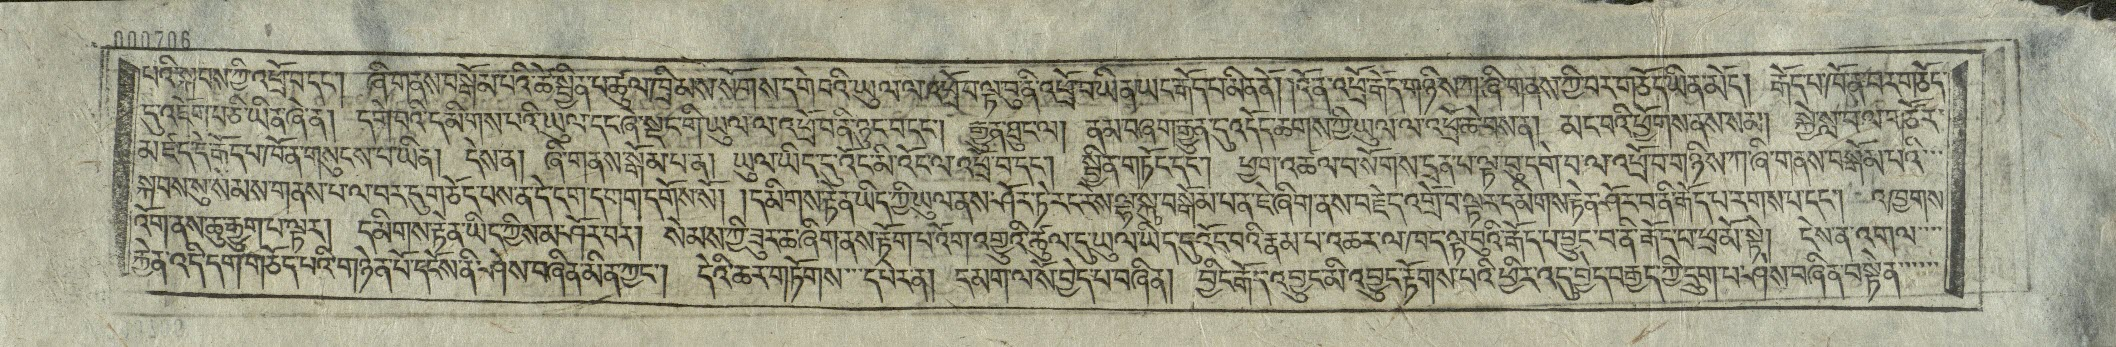པའི་སྐབས་ཀྱི་འཕྲོ་བ་དང་། ཞི་གནས་བསྒོམ་པའི་ཚེ་སྦྱིན་པ་ཚུལ་ཁྲིམས་སོགས་དགེ་བའི་ཡུལ་ལ་འཕྲོ་བ་ལྟ་བུ་ནི་འཕྲོ་བ་ཡིན་ཡང་རྒོད་པ་མིན་ནོ། །འོ་ན་འཕྲོ་རྒོད་གཉིས་ཀ་ཞི་གནས་ཀྱི་བར་གཅོད་ཡིན་མོད། རྒོད་པ་ཁོ་ན་བར་གཅོད་
དུ་འཇོག་པ་ཅི་ཡིན་ཞེ་ན། དགེ་བའི་དམིགས་པའི་ཡུལ་དང་ཞེ་སྡང་གི་ཡུལ་ལ་འཕྲོ་བ་ནི་ཉུང་བ་དང་། རྒྱུན་ཐུང་ལ། ནམ་བཞག་རྒྱུན་དུ་འདོད་ཆགས་ཀྱི་ཡུལ་ལ་འཕྲོ་ཆེ་བས་ན། མང་བའི་ཕྱོགས་ནས་སམ། སྐྱེ་སླ་བ་ལ་གཙོར་
མཛད་དེ་རྒོད་པ་ཁོ་ན་གསུངས་པ་ཡིན། དེས་ན། ཞི་གནས་སྒོམ་པ་ན། ཡུལ་ཡིད་དུ་འོང་མི་འོང་ལ་འཕྲོ་བ་དང་། སྦྱིན་གཏོང་དང་། ཕྱག་འཚལ་བ་སོགས་དྲན་པ་ལྟ་བུ་དགེ་བ་ལ་འཕྲོ་བ་གཉིས་ཀ་ཞི་གནས་བསྒོམ་པའི་
སྐབས་སུ་སེམས་གནས་པ་ལ་བར་དུ་གཅོད་པས་ན་དེ་དག་དགག་དགོས་སོ། །དམིགས་རྟེན་ཡིད་ཀྱི་ཡུལ་ནས་ཤོར་ཏེ་རང་རེས་ལྷ་སྐུ་བསྒོམ་པ་ན་ཇེ་ཞིག་ནས་བརྗེད་འགྲོ་བ་ལྟར་དམིགས་རྟེན་ཤོར་བ་ནི་རྒོད་པ་རགས་པ་དང་། འཁྱགས་
འོག་ནས་ཆུ་རྒྱུག་པ་ལྟར། དམིགས་རྟེན་ཡིད་ཀྱིས་མ་ཤོར་བར། སེམས་ཀྱི་ཟུར་ཆ་ཞིག་ནས་རྟོག་པ་འོག་འགྱུའི་ཚུལ་དུ་ཡུལ་ཡིད་དུ་འོང་བའི་རྣམ་པ་འཆར་ལ་ཁད་ལྟ་བུའི་རྒོད་པ་བྱུང་བ་ནི་རྒོད་པ་ཕྲ་མོ་སྟེ། དེས་ན་འགལ་
རྐྱེན་འདི་དག་གཅོད་པའི་གཉེན་པོ་དངོས་ནི་ཤེས་བཞིན་མིན་ཀྱང་། དེའི་ཆར་གཏོགས་དཔེར་ན། དམག་ལ་སོ་བྱེད་པ་བཞིན། བྱིང་རྒོད་འབྱུང་མི་འབྱུང་རྟོགས་པའི་ཕྱིར་འདུ་བྱེད་བརྒྱད་ཀྱི་དྲུག་པ་ཤེས་བཞིན་བསྟེན་